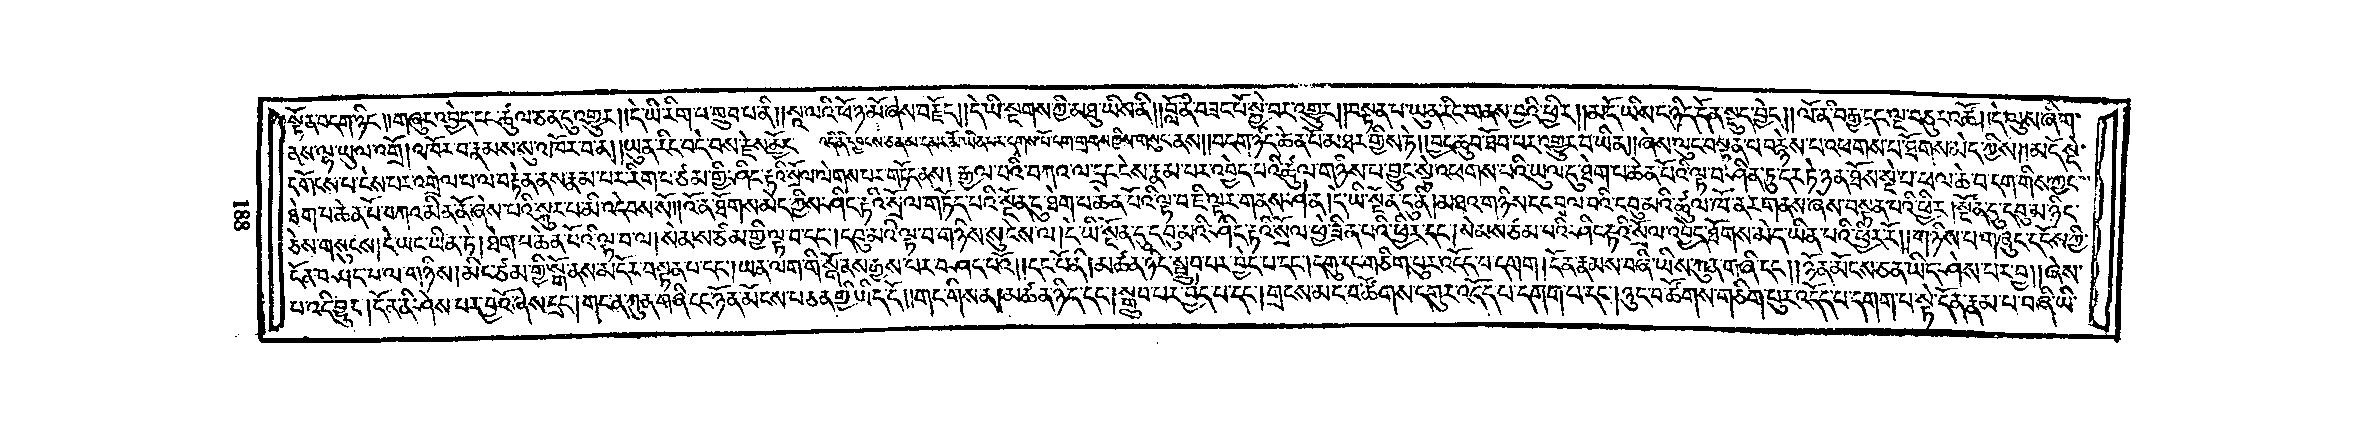སྟོན་བདག་ཉིད། །གཞུང་འབྱེད་ངང་ཚུལ་ཅན་དུ་འགྱུར། །དེ་ཡི་རིག་པ་གྲུབ་པ་ནི། །སཱ་ལའི་ཕོ་ཉ་མོ་ཞེས་བརྗོད། །དེ་ཡི་སྔགས་ཀྱི་མཐུ་ཡིས་ནི། །བློ་ནི་བཟང་པོ་སྐྱེ་བར་འགྱུར། །བསྟན་པ་ཡུན་རིང་གནས་བྱའི་ཕྱིར། །མདོ་ཡིས་ད་ཉིད་དོན་སྡུད་བྱེད། །ལོ་ནི་བརྒྱ་དང་ལྔ་བཅུར་འཚོ། །དེ་ལུས་ཞིག་
ནས་ལྷ་ཡུལ་འགྲོ་།འཁོར་བ་རྣམས་སུ་འཁོར་བ་ན། །ཡུན་རིང་བདེ་བས་རྗེས་མྱོང་འདི་ནི་དབྱངས་ཅན་མ་དམར་མོ་ཡིན་པར་དྭགས་པོ་ངག་གྲགས་ཀྱིས་གསུང་ནས། །བདག་ཉིད་ཆེན་པོ་མཐར་གྱིས་ཏེ། །བྱང་ཆུབ་ཐོབ་པར་འགྱུར་བ་ཡིན། །ཞེས་ལུང་བསྟན་པ་བརྙེས་པ་འཕགས་པ་ཐོགས་མེད་ཀྱིས། །མདོ་སྡེ་
དགོངས་པ་ངེས་པར་འགྲེལ་པ་ལ་བརྟེན་ནས་རྣམ་པར་རིག་པ་ཙམ་གྱི་ཤིང་རྟའི་སྲོལ་ལེགས་པར་གཏོད་ནས། རྒྱལ་བའི་བཀའ་ལ་དྲང་ངེས་རྣམ་པར་འབྱེད་པའི་ཚུལ་གཉིས་པ་བྱུང་སྟེ་འཕགས་པའི་ཡུལ་དུ་ཐེག་པ་ཆེན་པོའི་ལྟ་བ་ཤིན་ཏུ་དར་ཏེ་ཉན་ཐོས་སྡེ་པ་ཕལ་ཆེ་བ་དག་གིས་ཀྱང་
ཐེག་པ་ཆེན་པོ་བཀའ་མིན་ནོ་ཞེས་པའི་སྐུར་པ་མི་འདེབས་སོ། །འོ་ན་ཐོགས་མེད་ཀྱིས་ཤིང་རྟའི་སྲོལ་གཏོད་པའི་སྔོན་དུ་ཐེག་པ་ཆེན་པོའི་ལྟ་བ་ཇི་ལྟར་གནས་ཤེ་ན། དེ་ཡི་སྔོན་དུ་ནི། མཐའ་གཉིས་དང་བྲལ་བའི་དབུ་མའི་ཚུལ་ཁོ་ནར་གནས་ཞེས་བསྟན་པའི་ཕྱིར། སྔོན་དུ་དབུ་མ་ཉིད་
ཅེས་གསུངས། དེ་ཡང་ཡིན་ཏེ། ཐེག་པ་ཆེན་པོའི་ལྟ་བ་ལ། སེམས་ཙམ་གྱི་ལྟ་བ་དང་། དབུ་མའི་ལྟ་བ་གཉིས་སུ་ངེས་ལ། དེ་ཡི་སྔོན་དུ་དབུ་མའི་ཤིང་རྟའི་སྲོལ་ཕྱེ་ཟིན་པའི་ཕྱིར་དང་། སེམས་ཙམ་པའི་ཤིང་རྟའི་སྲོལ་འབྱེད་ཐོགས་མེད་ཡིན་པའི་ཕྱིར་རོ། །གཉིས་པ་གཞུང་དངོས་ཀྱི་
དོན་བཤད་པ་ལ་གཉིས། མིང་ཙམ་གྱི་སྒོ་ནས་མདོར་བསྟན་པ་དང་། ཡན་ལག་གི་སྒོ་ནས་རྒྱས་པར་བཤད་པའོ། །དང་པོ་ནི། མཚན་ཉིད་སྦྲུབ་པར་བྱེད་པ་དང་། དགུ་དང་གཅིག་པུར་འདོད་པ་དགག །དོན་རྣམས་བཞི་ཡིས་ཀུན་གཞི་དང་། །ཉོན་མོངས་ཅན་ཡིད་ཤེས་པར་བྱ། །ཞེས་
པ་འདི་བྱུང་། དོན་ནི་ཤེས་པར་བྱའོ་ཞེས་དྲང་། གང་ན་ཀུན་གཞི་དང་ཉོན་མོངས་པ་ཅན་གྱི་ཡིད་དོ། །གང་གིས་ན། མཚན་ཉིད་དང་། སྒྲུབ་པར་བྱེད་པ་དང་། གྲངས་མང་བ་ཚོགས་དགུར་འདོད་པ་དགག་པ་དང་། ཉུང་བ་ཚོགས་གཅིག་པུར་འདོད་པ་དགག་པ་སྟེ་དོན་རྣམ་པ་བཞི་ཡི་